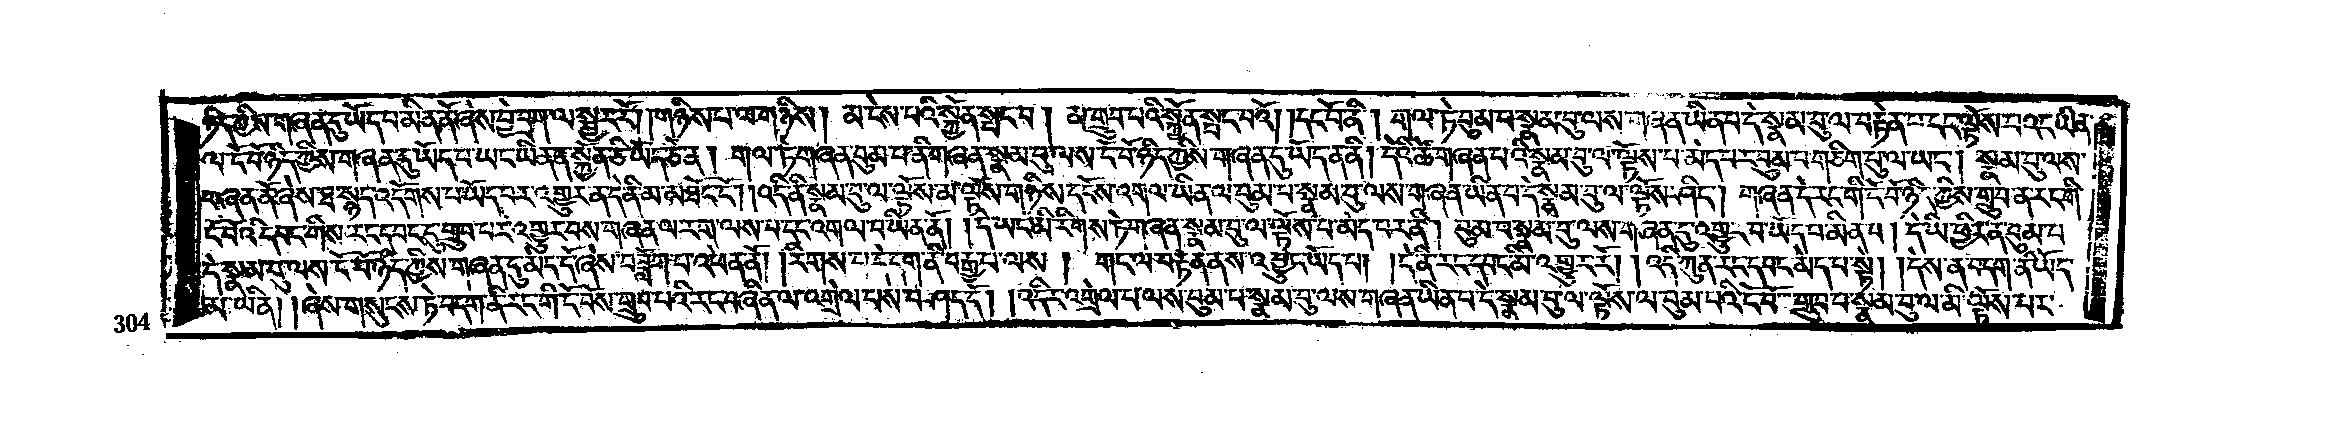ཉིད་ཀྱིས་གཞན་དུ་ཡོད་པ་མིན་ནོ་ཞེས་བྱེ་བྲག་ལ་སྦྱར་རོ། །གཉིས་པ་ལ་གཉིས། མ་ངེས་པའི་སྐྱོན་སྡང་བ། མ་གྲུབ་པའི་སྐྱོན་སྤང་བའོ། །དང་པོ་ནི། གལ་ཏེ་བུམ་པ་སྣམ་བུ་ལས་གཞན་ཡིན་པ་དེ་སྣམ་བུ་ལ་བརྟེན་པ་དང་ལྟོས་པའང་ཡིན་
ལ་ངོ་བོ་ཉིད་ཀྱིས་གཞན་དུ་ཡོད་པ་ཡང་ཡིན་ན་སྐྱོན་ཅི་ཡོད་ཅེ་ན། གལ་ཏེ་གཞན་བུམ་པ་ནི་གཞན་སྣམ་བུ་ལས་ངོ་བོ་ཉིད་ཀྱིས་གཞན་དུ་ཡོད་ན་ནི། དེའི་ཚེ་གཞན་པའི་སྣམ་བུ་ལ་ལྟོས་པ་མེད་པར་བུམ་པ་གཅིག་པུ་ལ་ཡང་། སྣམ་བུ་ལས་
གཞན་ནོ་ཞེས་ཐ་སྙད་འདོགས་པ་ཡོད་པར་འགྱུར་ན་དེ་ནི་མ་མཐོང་ངོ། །འདི་ནི་སྣམ་བུ་ལ་ལྟོས་མ་ལྟོས་གཉིས་དངོས་འགལ་ཡིན་ལ་བུམ་པ་སྣམ་བུ་ལས་གཞན་ཡིན་པ་དེ་སྣམ་བུ་ལ་ལྟོས་ཤིང་། གཞན་དེ་རང་གི་ངོ་བོ་ཉིད་ཀྱིས་གྲུབ་ན་རང་གི་
ངོ་བོའི་དབང་གིས་རང་དབང་དུ་གྲུབ་པར་འགྱུར་བས་གཞན་ལ་རག་ལས་པ་དང་འགལ་བ་ཡིན་ནོ། །དེ་ཡང་མི་རིགས་ཏེ་གཞན་སྣམ་བུ་ལ་ལྟོས་པ་མེད་པར་ནི། བུམ་པ་སྣམ་བུ་ལས་གཞན་དུ་འགྱུར་བ་ཡོད་པ་མིན་པ། དེ་ཡི་ཕྱིར་ན་བུམ་པ་
དེ་སྣམ་བུ་ལས་ངོ་བོ་ཉིད་ཀྱིས་གཞན་དུ་མེད་དོ་ཞེས་བཟློག་པ་འཕེན་ནོ། །རིགས་པ་དེ་དག་ནི་བརྒྱ་པ་ལས། གང་ལ་བརྟེན་ནས་འབྱུང་ཡོད་པ། །དེ་ནི་རང་དབང་མི་འགྱུར་རོ། །འདི་ཀུན་རང་དབང་མེད་པ་སྟེ། །དེས་ན་བདག་ནི་ཡོད་
མ་ཡིན། །ཞེས་གསུངས་ཏེ་བདག་ནི་རང་གི་ངོ་བོ་སྒྲུབ་པའི་རང་བཞིན་ལ་འགྲེལ་པས་བཤད་དོ། །འདིར་འགྲེལ་པ་ལས་བུམ་པ་སྣམ་བུ་ལས་གཞན་ཡིན་པ་དེ་སྣམ་བུ་ལ་ལྟོས་ལ་བུམ་པའི་ངོ་བོ་གྲུབ་པ་སྣམ་བུ་ལ་མི་ལྟོས་པར་